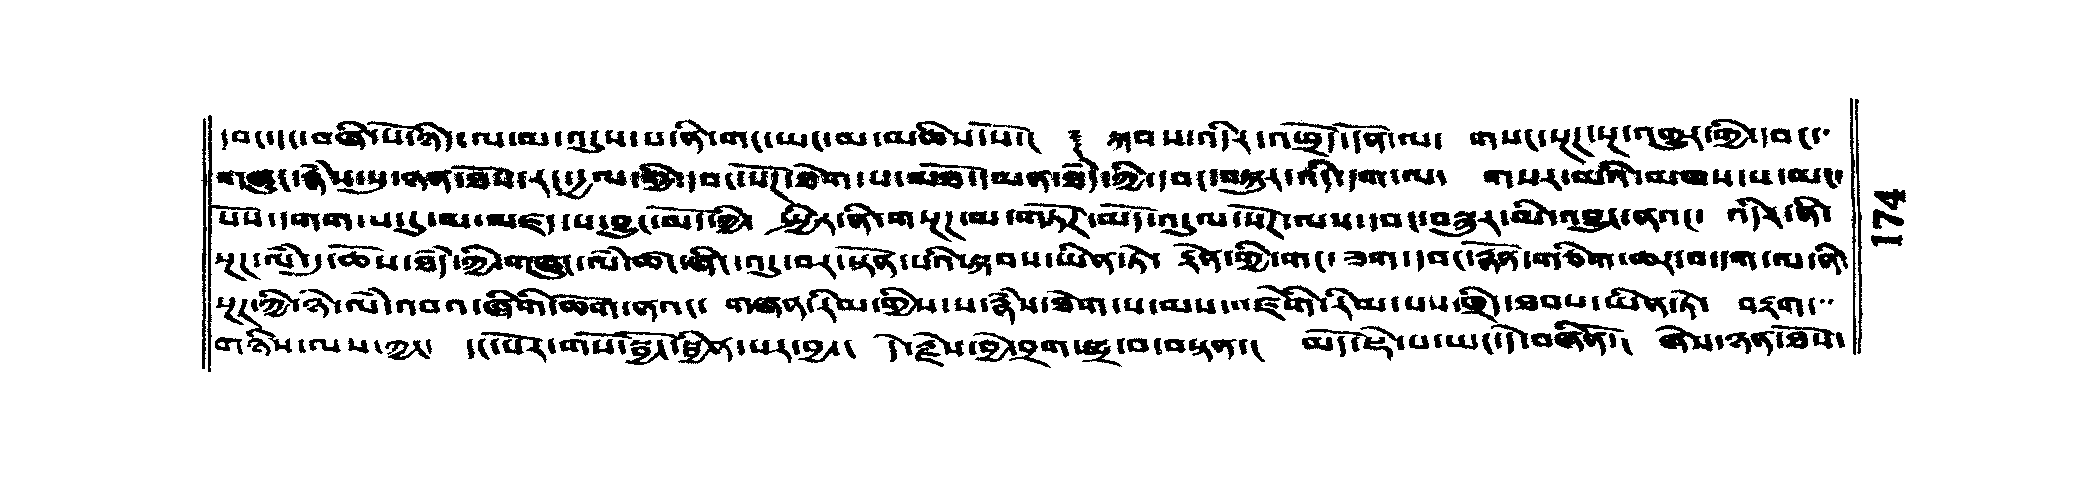དབང་དང་བཞི་པོ་ཉིད་ལ་མ་འདུས་པ་ནི་གང་ཡང་མ་མཆིས་སོ། སྐབས་འདིར་འཕྲོས་དོན་ལ། གསང་སྔགས་སྔ་འགྱུར་གྱི་དབང་
གཞུང་རྣམས་སུ་ཉན་ཐོས་རང་རྒྱལ་གྱི་དབང་སོགས་ཐེག་པ་མཐོ་དམན་ཐམས་ཅད་ཀྱི་དབང་བསྐུར་འདི་དག་ལ། གསར་མའི་མཁས་པ་མང
་པོས་དགག་པ་དུ་མ་མཛད་པ་བྱུང་མོད་ཀྱི། སྤྱིར་ནི་གསང་སྔགས་མ་གཏོགས་མདོ་འདུལ་སོགས་ལས་དབང་བསྐུར་མི་འབྱུང་ནའང་། འདིར་ནི་
སྔགས་ལམ་དུ་ཆོས་ཐམས་ཅད་ཀྱི་གཞུང་ལམ་ཚང་ཞིང་འདུ་བར་སྟོན་པའི་སྐབས་ཡིན་ཏེ། རྟེན་གྱི་གང་ཟག་དབང་རྣོན་གཅིག་ཆར་བ་དག་ལ་ནི་
སྔགས་ཀྱི་ཉེ་ལམ་འབའ་ཞིག་གིས་ཆོག་ནའང་། གཞན་རིམ་གྱིས་པ་རྣམས་ཐེག་པ་མས་འཛེག་གི་རིམ་པས་ཁྲིད་ཐབས་ཡིན་ཏེ། བརྟག་
གཉིས་ལས་ཀྱང་། དང་པོར་གསོ་སྦྱོང་སྦྱིན་པར་བྱ། །དེ་རྗེས་བྱེ་བྲག་སྨྲ་བ་བསྟན། མདོ་སྡེ་པ་ཡང་དེ་བཞིན་ནོ། ཞེས་ཉན་ཐོས་